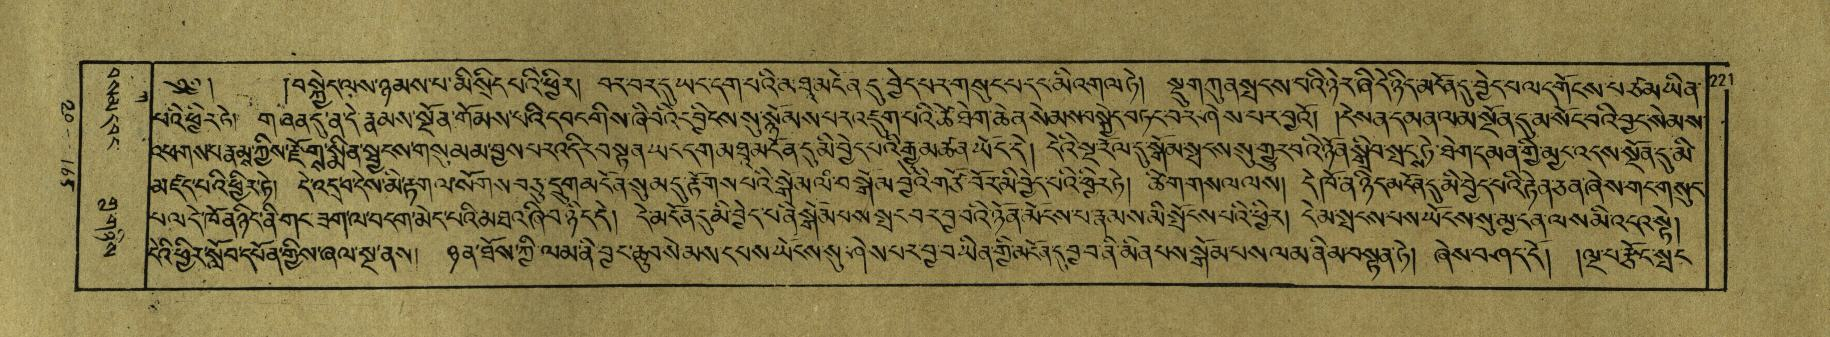༄༅། །བསྐྱེད་ལས་ཉམས་པ་མི་སྲིད་པའི་ཕྱིར། བར་བར་དུ་ཡང་དག་པའི་མཐའ་མངོན་དུ་བྱེད་པར་གསུང་པ་དང་མི་འགལ་ཏེ། སྡུག་ཀུན་སྤངས་པའི་ཉེར་ཞི་དེ་ཉིད་མངོན་དུ་བྱེད་པ་ལ་དགོངས་པ་ཙམ་ཡིན་
པའི་ཕྱིར་ཏེ། གཞན་དུ་ན་དེ་རྣམས་སྔོན་གོམས་པའི་དབང་གིས་ཞི་བའི་དབྱིངས་སུ་སྙོམས་པར་འཇུག་པའི་ཚེ་ཐེག་ཆེན་སེམས་བསྐྱེད་བཏང་བར་ཤེས་པར་བྱའོ། །ངེས་ན་དམན་ལམ་སྔོན་དུ་མ་སོང་བའི་བྱང་སེམས་
འཕགས་པ་རྣམས་ཀྱིས་རྫོགས་སྨིན་སྦྱངས་གསུམ་མ་བྱས་པར་འདིར་བསྟན་ཡང་དག་མཐའ་མངོན་དུ་མི་བྱེད་པའི་རྒྱུ་མཚན་ཡོང་དེ། དེའི་སྔ་རོལ་དུ་སྒོམ་སྤངས་སུ་གྱུར་བའི་ཉོན་སྒྲིབ་སྤངས་ཏེ་ཐེག་དམན་གྱི་མྱང་འདས་སྔོན་དུ་མི་
མཛད་པའི་ཕྱིར་ཏེ། དེ་འདྲ་བ་དེས་མི་རྟག་ལ་སོགས་བཅུ་དྲུག་མངོན་སུམ་དུ་རྟོགས་པའི་སྒོམ་ལཾ་བསྒོམ་བྱའི་གཙོ་བོར་མི་བྱེད་པའི་ཕྱིར་ཏེ། ཚིག་གསལ་ལས། དེ་ཁོ་ན་ཉིད་མངོན་དུ་མི་བྱེད་པའི་རྟེན་ཅན་ཞེས་གང་གསུང་
པ་ལ་དེ་ཁོ་ན་ཉིད་ནི་གང་ཟག་ལ་བདག་མེད་པའི་མཐའ་ཞིབ་ཉིད་དེ། དེ་མངོན་དུ་མི་བྱེད་པ་ནི་སྒོམ་པས་སྤང་པར་བྱ་བའི་ཉོན་མོངས་པ་རྣམས་མི་སྤོངས་པའི་ཕྱིར། དེ་མ་སྤངས་པས་ཡོངས་སུ་མྱ་ངན་ལས་མི་འདའ་སྟེ།
དེའི་ཕྱིར་སློབ་དཔོན་གྱིས་ཞལ་སྔ་ནས། ཉན་ཐོས་ཀྱི་ལམ་ནི་བྱང་ཆུབ་སེམས་དཔས་ཡོངས་སུ་ཤེས་པར་བྱ་བ་ཡིན་གྱི་མངོན་དུ་བྱ་བ་ནི་མིན་པས་སྒོམ་པས་ལམ་ནི་མ་བསྟན་ཏེ། ཞེས་བཤད་དོ། །ལྔ་པ་རྩོང་སྤང་